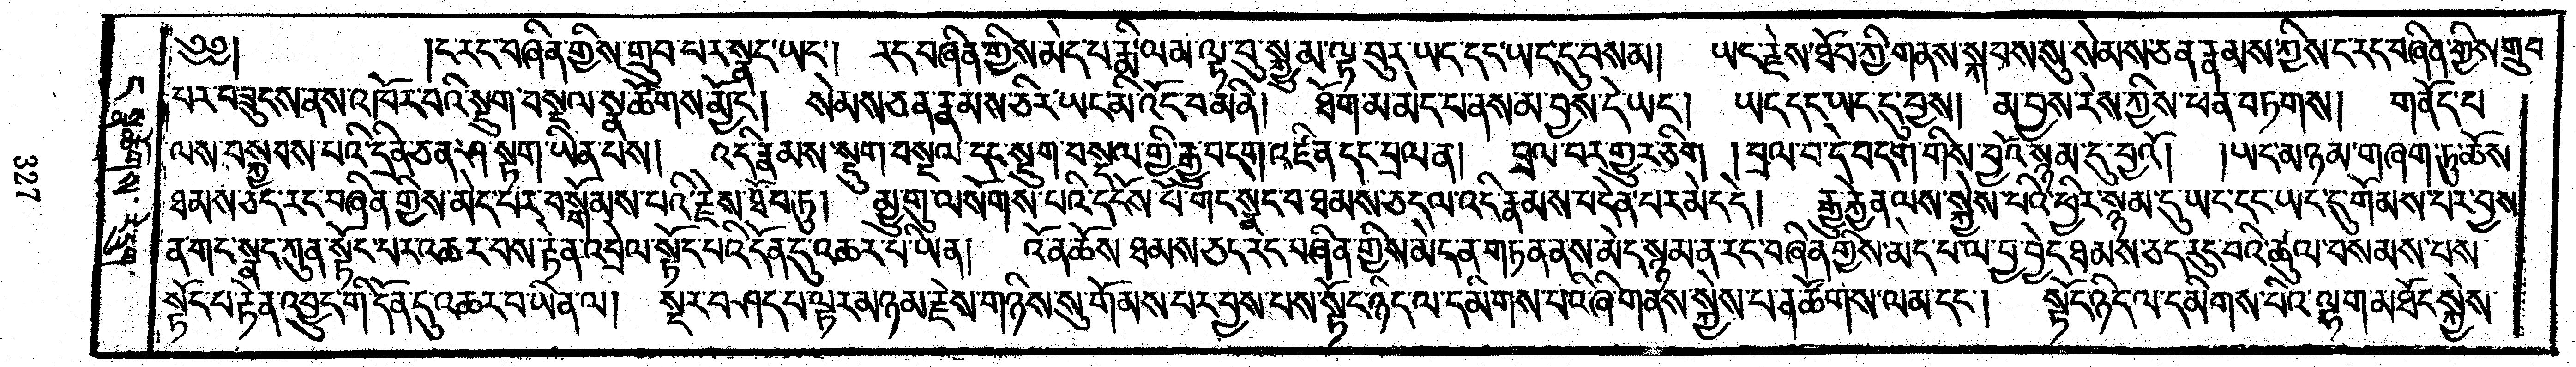༄༅། །ང་རང་བཞིན་གྱིས་གྲུབ་པར་སྣང་ཡང་། རང་བཞིན་གྱིས་མེད་པ་རྨི་ལམ་ལྟ་བུ་སྒྱུ་མ་ལྟ་བུར་ཡང་དང་ཡང་དུ་བསམ། ཡང་རྗེས་ཐོབ་ཀྱི་གནས་སྐབས་སུ་སེམས་ཅན་རྣམས་ཀྱིས་ང་རང་བཞིན་གྱིས་གྲུབ་
པར་བཟུངས་ནས་འཁོར་བའི་སྡུག་བསྔལ་སྣ་ཚོགས་མྱོང་། སེམས་ཅན་རྣམས་ཅིར་ཡང་མི་འོང་བ་མིན། ཐོག་མ་མེད་པ་ནས་མ་བྱས་དེ་ཡང་། ཡང་དང་ཡང་དུ་བྱས། མ་བྱས་རེས་ཀྱིས་ཕན་བཏགས། གནོད་པ་
ལས་བསྐྱབས་པའི་དྲིན་ཅན་ཤ་སྟག་ཡིན་པས། འདི་རྣམས་སྡུག་བསྔལ་དང་སྡུག་བསྔལ་གྱི་རྒྱུ་བདག་འཛིན་དང་བྲལ་ན། བྲལ་བར་གྱུར་ཅིག །བྲལ་བ་དེ་བདག་གིས་བྱའོ་སྙམ་དུ་བྱའོ། །ཡང་མཉམ་གཞག་ཏུ་ཆོས་
ཐམས་ཅད་རང་བཞིན་གྱིས་མེད་པར་བསྒོམས་པའི་རྗེས་ཐོབ་ཏུ། མྱུ་གུ་ལ་སོགས་པའི་དངོས་པོ་གང་སྣང་བ་ཐམས་ཅད་ལ་འདི་རྣམས་བདེན་པར་མེད་དེ། རྒྱུ་རྐྱེན་ལས་སྐྱེས་པའི་ཕྱིར་སྙམ་དུ་ཡང་དང་ཡང་དུ་གོམས་པར་བྱས་
ན་གང་སྣང་ཀུན་སྟོང་པར་འཆར་བས་རྟེན་འབྲེལ་སྟོང་པའི་དོན་དུ་འཆར་པ་ཡིན། འོ་ན་ཆོས་ཐམས་ཅད་རང་བཞིན་གྱིས་མེད་ན་གཏན་ནས་མེད་སྙམ་ན་རང་བཞིན་གྱིས་མེད་པ་ལ་བྱ་བྱེད་ཐམས་ཅད་རུང་བའི་ཚུལ་བསམས་པས་
སྟོང་པ་རྟེན་འབྱུང་གི་དོན་དུ་འཆར་བ་ཡིན་ལ། སྔར་བཤད་པ་ལྟར་མཉམ་རྗེས་གཉིས་སུ་གོམས་པར་བྱས་པས་སྟོང་ཉིད་ལ་དམིགས་པའི་ཞི་གནས་སྐྱེས་པ་ན་ཚོགས་ལམ་དང་། སྟོང་ཉིད་ལ་དམིགས་པའི་ལྷག་མཐོང་སྐྱེས་